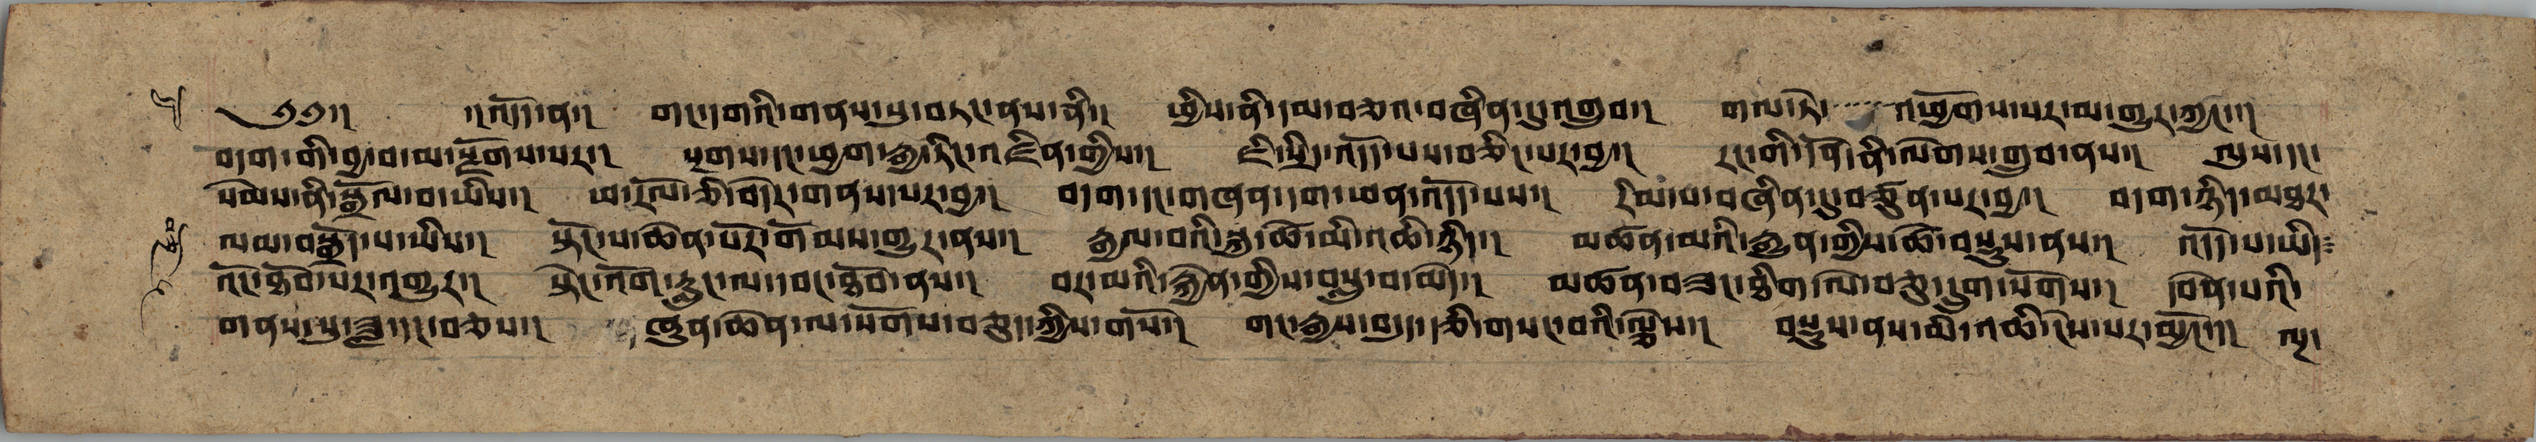༄༅་། ་།འདོད་ན་། གང་དགའི་གནས་སུ་བཏང་ནས་ནི་། ཕྱིས་ནི་དམ་བཅའ་བཞིན་དུ་འགྲུབ་། གལ་ཏེ་་་་་འཕྱོགས་པར་མ་གྱུར་ཀྱང་་།
བདག་གི་བྱ་བ་མ་སྫོགས་པར་། སྔགས་དང་ཕྱག་རྒྱ་ཏིང་འཛིན་གྱིས་། ཇི་སྲིད་འདོད་པས་བཅིང་པར་བྱ་། རང་གི་དོན་ནི་ལེགས་གྲུབ་ནས་། ལུས་དང་
སེམས་ནི་སྒྲོལ་བ་ཡིས་། ཕ་རོལ་ཅི་བདེར་གནས་པར་བྱ་། བདག་དང་གཞན་དག་ཕན་འདོད་པས་། རིམ་པ་བཞིན་དུ་བཙུན་པར་བྱ་། བདག་ཉིད་མཐར་
ལམ་བསྒྲོད་པ་ཡིས་། སྟོང་པ་ཆེན་པོར་གོམས་གྱུར་ནས་། རྒྱལ་བའི་སྐུ་ཚེ་མི་འཆི་ཉིད་། མཚན་མའི་རྒྱུན་གྱིས་ཚེ་བསྡུས་ནས་། འདོད་པ་ཡིད་
འོང་ཐོབ་པར་འགྱུར་། སྟེང་འོག་རླུང་ལ་དབང་ཐོབ་ནས་། བར་མའི་རྐྱེན་གྱིས་བསླུ་བ་མེད་། མཚན་བཟང་ཐིག་ལེ་བཅུ་དྲུག་སོགས་། དབེན་པའི་
གནས་སུ་ཟླ་དང་བཅས་། ཞུན་ཆེན་ལ་སོགས་བཅུད་ཀྱིས་གསོ་། གང་རྒྱས་བདུད་རྩི་གསང་བའི་ལྕེས་། བསྡུས་ནས་མི་འཆི་ངེས་པར་མྱོང་།། ལྔ་